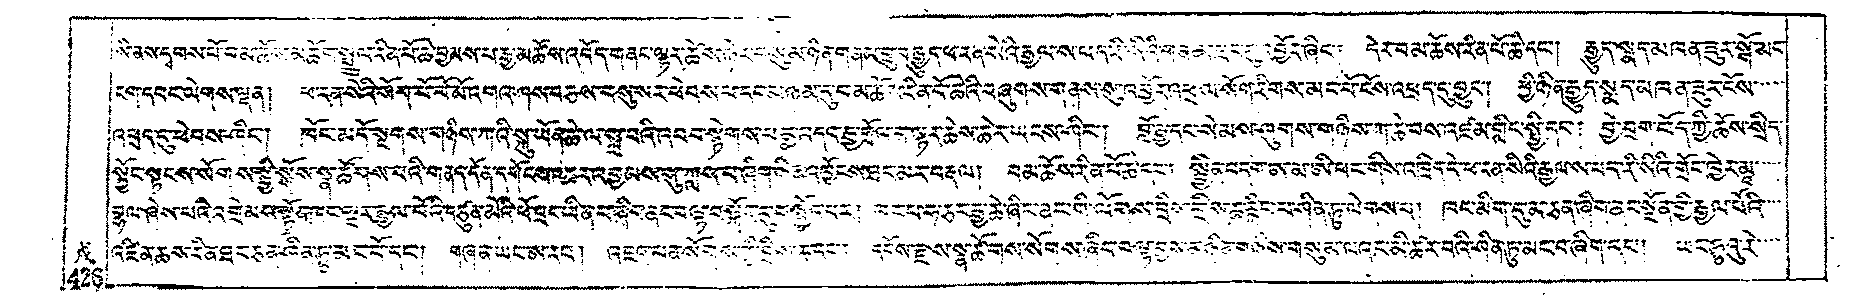སི་ནས་དྭགས་པོ་བམ་ཆོས་མཆོག་སྤྲུལ་རིན་པོ་ཆེ་བྱམས་པ་རྒྱ་མཚོས་འབོད་གནང་ལྟར་ཚེས་ཉེར་གསུམ་ཉིན་གནམ་གྲུ་བརྒྱུད་ཕ་རན་སེའི་རྒྱལ་ས་པད་རི་སིའི་གནམ་ཐང་དུ་འབྱོར་ཞིང་། དེར་བམ་ཆོས་རིན་པོ་ཆེ་དང་། རྒྱུད་སྨད་མཁན་ཟུར་སྒོ་མང་
ངག་དབང་ལེགས་ལྡན། ཕ་རན་སེའི་སོག་པོ་ཕོ་མོ་འགའ་ཤས་བཅས་བསུ་སར་ཕེབས་པ་དང་མཉམ་དུ་བམ་ཆོས་རིན་པོ་ཆེའི་བཞུགས་གནས་སུ་འབྱོར་འཕྲལ་སོག་རིགས་མང་པོ་ངོས་འཕྲད་དུ་བྱུང་། ཕྱི་ཉིན་རྒྱུད་སྨད་མཁན་ཟུར་ངོས་
འཕྲད་དུ་ཕེབས་ཤིང་། ཁོང་མདོ་སྔགས་གཉིས་ཀའི་སྐུ་ཡོན་ཆེ་ལ་སྨྲ་བའི་འབབ་སྟེགས་པདམ་འདབ་རྒྱ་གྲོལ་བ་ལྟར་ཆེས་ཆེར་ཡངས་ཤིང་། བློ་རྒྱ་དང་སེམས་ཤུགས་གཉིས་ཀ་ཆེ་བས་འཛམ་གླིང་སྤྱི་དང་། བྱེ་བྲག་བོད་ཀྱི་ཆོས་སྲིད་
སྐྱོང་སྟངས་སོགས་སྤྱི་སྒོས་སྣ་ཚོགས་པའི་གནད་དོན་དགོངས་འཆར་འབྱམས་སུ་ཀླས་པ་ཞིག་ཉིན་འཁྱོངས་ཐང་མར་བརྡལ། བམ་ཆོས་རིན་པོ་ཆེ་དང་། སྦྱིན་བདག་ཨ་མ་ཨི་ཕང་གིས་འཁྲིད་དེ་ཕ་རན་སིའི་རྒྱལ་ས་པད་རི་སིའི་གྲོང་ཁྱེར་མཱ་
བྷལ་ཞེས་པའི་འགྲེམས་སྟོན་ཁང་སྔར་རྒྱལ་པོའི་བཙུན་མོའི་ཕོ་བྲང་ཡིན་པ་ཞིག་ནང་བལྟ་བསྐོར་དུ་བསྐྱོད་པར། ཁང་པ་ཧ་ཅང་རྒྱ་ཆེ་ཞིང་ནང་གི་ལོགས་བྲིས་བྲིས་ཆ་རྙིང་པ་ཤིན་ཏུ་ལེགས་པ། ཁང་མིག་དུ་མ་ཅན་ཞིག་ནང་སྔོན་གྱི་རྒྱལ་པོའི་
འཛིན་ཆས་རིན་ཐང་ཅན་ཤིན་ཏུ་མང་པོ་དང་། གཞན་ཡང་ཨ་རབ། འཇའ་པན་སོགས་ཀྱི་བྲིས་ཆ་དང་། དངོས་རྫས་སྣ་ཚོགས་སོགས་ཞིབ་བལྟ་བྱས་ན་ཉིན་གཉིས་གསུམ་ལའང་མི་ཚར་བའི་ཤིན་ཏུ་མང་བ་ཞིག་དང་། ཡང་ཏུའུ་རེ་